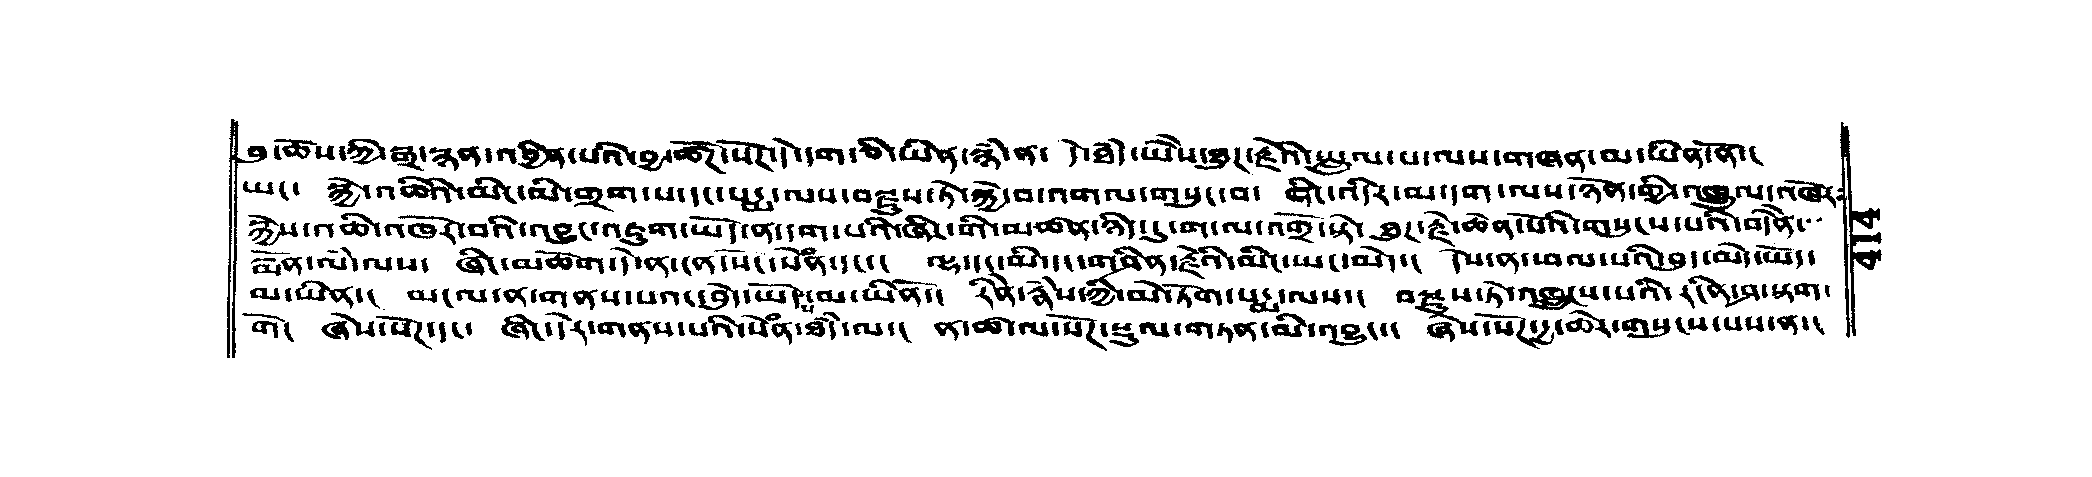བུ་ཆོས་ཀྱི་སྒྲ་སྙན་འབྱིན་པའི་བྱ་ཚོགས་སོགས་དེ་དག་ཅི་ཡིན་སྙམ་ན། དེ་ཐམས་ཅད་ཡེ་ཤེས་ཐུགས་རྗེའི་སྤྲུལ་པ་ལས་གཞན་མ་ཡིན་ནོ།
ཡང་། སྐྱེ་འཆིའི་མིང་མི་གྲག་པ་དང་པདྨ་ལས་བརྫུས་ཏེ་སྐྱེ་བ་འགལ་གསུང་བ། ཞིང་འདིར་མ་དག་ལས་ཉོན་གྱི་འཁྲུལ་འཁོར་
སྐྱེ་འཆི་འཁོར་བའི་འབྱུང་འཇུག་ཡོད་ན་དག་པའི་ཞིག་གི་མཚན་ཉིད་དུ་ག་ལ་འགྲོ་སྟེ། ཐུགས་རྗེ་ཆེན་པོའི་གསུངས་པའི་བདེ་ཆེན་
སྨོན་ལམ་ལས། ཞིང་མཆོག་དེ་ན་ངན་སོང་སེམས་ཅན་དང་། །ལྷ་དང་མི་དང་གཤིན་རྗེའི་མིང་ཡང་མེད། །དེས་ན་ཕལ་བའི་བུད་མེད་ཡོད་
མ་ཡིན། །མངལ་ན་གནས་པའང་བུད་མེད་ཡོད་པ་མ་ཡིན་ནོ། །རིན་ཆེན་རྣམས་ཀྱི་མེ་ཏོག་པདྨ་ལས། །བརྫུས་ཏེ་འཁྲུངས་པའི་རང་བཞིན་ཤ་སྟག་
གོ ཞེས་སོགས་དང་། ཞིང་དེར་གནས་པའི་སེམས་ཅན་ཐམས་ཅད་ལ། །ན་ཚ་ལ་སོགས་སྡུག་བསྔལ་གཏན་མི་འབྱུང་། ཞེས་སོགས་རྒྱ་ཆེར་གསུངས་པས་ན།